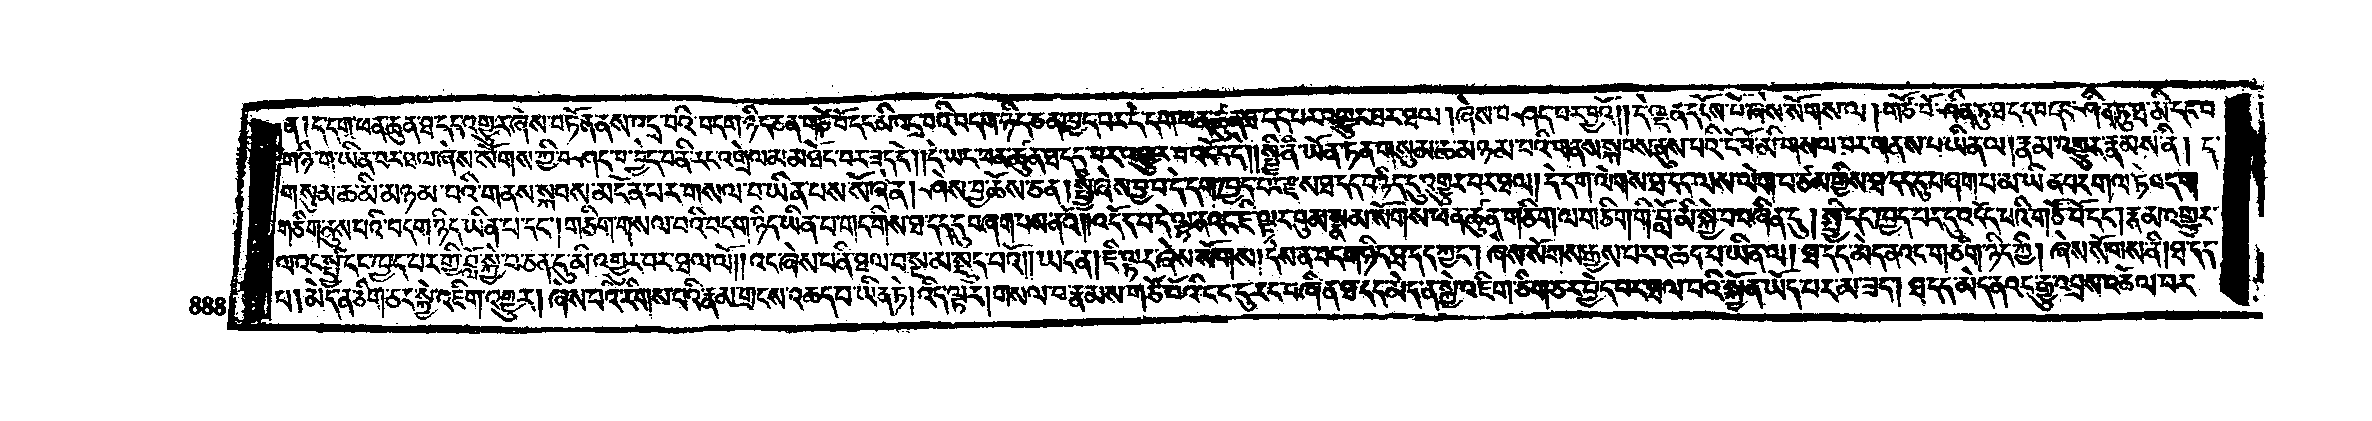ན། དེ་དག་ཕན་ཚུན་ཐ་དད་འགྱུར་ཞེས་བཏོན་ནས་འདྲ་བའི་བདག་ཉིད་ཅན་གཙོ་བོ་དང་མི་འདྲ་བའི་བདག་ཉིད་ཅན་ཁྱད་པར་དེ་དག་ཕན་ཚུན་ཐ་དད་པར་འགྱུར་ཐར་ཐལ། ཞེས་བཤད་པའི་བྱའོ། །དེ་ལྡན་དངོས་པོ་ཞེས་སོགས་ལ། གཙོ་བོ་ཤིན་ཏུ་ཐ་དད་དང་ཤིན་ཏུ་ཐ་མི་དད་བ་
གཉི་ག་ཡིན་པར་ཐལ་ཞེས་སོགས་ཀྱི་བཤད་པ་བྱེད་པ་ནི་རང་འགྲེལ་མ་མཐོང་བར་ཟད་དེ། །དེ་ཡང་ཕན་ཚུན་ཐ་དད་བར་འགྱུར་བ་འདོད་དེ། །སྤྱི་ནི་ཡོན་ཏན་གསུམ་ཆ་མཉམ་པའི་གནས་སྐབས་ནུས་པའི་ངོ་བོ་མི་གསལ་བར་གནས་པ་ཡིན་ལ། རྣམ་འགྱུར་རྣམས་ནི། ད་
གསུམ་ཆ་མི་མཉམ་པའི་གནས་སྐབས་མངོན་པར་གསལ་བ་ཡིན་པས་སོ་ཞེ་ན། ཤེས་བྱ་ཆོས་ཅན། སྤྱི་ཞེས་བྱ་བ་དེ་དག་ཁྱད་པར་རྫས་ཐ་དད་པ་ཉིད་དུ་འགྱུར་བར་ཐལ། དེ་དག་ལེགས་ཐ་དད་ལས་ལེག་པ་ཙམ་གྱིས་ཐ་དད་དུ་གཞག་པ་མ་ཡིན་པར་གལ་ཏེ་བདག་
གཅིག་ནུས་པའི་བདག་ཉིད་ཡིན་པ་དང་། གཅིག་གསལ་བའི་བདག་ཉིད་ཡིན་པ་གང་གིས་ཐ་དད་དུ་བཞག་པས་ནའོ། །འདོད་པ་དེ་ལྟ་ནའང་ཇི་ལྟར་བུམ་སྣམ་སོགས་ཕན་ཚུན་གཅིག་ལ་གཅིག་གི་བློ་མི་སྐྱེས་བ་བཞིན་དུ། སྤྱི་དང་ཁྱད་པར་དུ་འདོད་པའི་གཙོ་བོ་དང་། རྣམ་འགྱུར་
ལའང་སྤྱི་དང་ཁྱད་པར་གྱི་བློ་སྐྱེ་བ་ཅན་དུ་མི་འགྱུར་བར་ཐལ་ལོ། །འང་ཞེས་པ་ནི་ཐལ་བ་སྔ་མ་སྡུད་པའོ། །ཡང་ན། ཇི་ལྟར་ཞེས་སོགས། དེས་ན་བདག་ཉིད་ཐ་དད་ཀྱང་། ཞེས་སོགས་རྒྱས་པར་འཆད་པ་ཡིན་ལ། ཐ་དད་མེད་ནའང་གཅིག་ཉིད་ཀྱི། ཞེས་སོགས་ནི། ཐ་དད་
པ། མེད་ན་ཅིག་ཅར་སྐྱེ་འཇིག་འགྱུར། ཞེས་པའི་རིགས་པའི་རྣམ་གྲངས་འཆད་པ་ཡིན་ཏེ། འདི་ལྟར། གསལ་བ་རྣམས་གཙོ་བོའི་ངང་དུ་རང་བཞིན་ཐ་དད་མེད་ན་སྐྱེ་འཇིག་ཅིག་ཅར་བྱེད་པར་ཐལ་བའི་སྐྱོན་ཡོད་པ་མ་ཟད། ཐ་དད་མེད་ནའང་རྒྱུ་འབྲས་འཆོལ་བར་